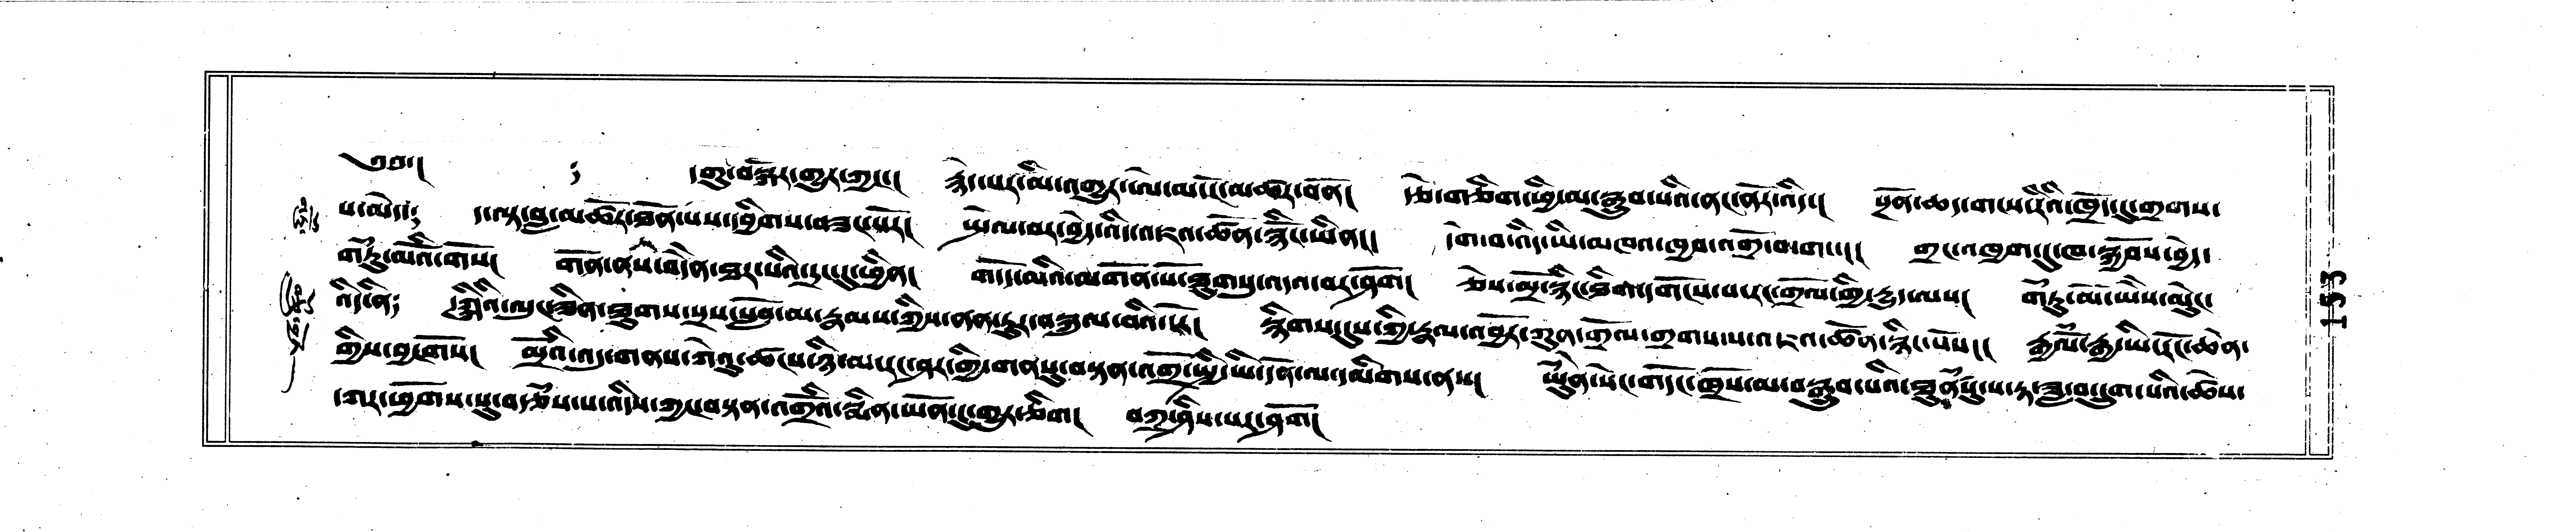དགུ་བསྐོར་གྱུར་ཀྱང་། །རྙེད་པར་མི་འགྱུར་ཨེ་མ་ངོ་མཚར་བོན། །རྩེ་གཅིག་ཕྱི་མ་བསྒྲུབ་པའི་ནང་ནོར་འདི། །སྔོན་ཆད་གངས་རིའི་ཁྲོད་དུ་གྲགས་
པ་མེད། །ད་ལྟ་བླ་མཚོར་ཐོན་པས་དབྱིགས་བཟང་པོར། །སྤེལ་བར་བྱེད་འདི་འཇའ་ཚོན་སྙིང་པོ་ཡིན། །དགེ་བ་འདི་ཡིས་མཁའ་ཁྱབ་འགྲོ་བ་གང་། །གྲང་འཁྱག་དུཿཁ་སྐྱོབ་བྱེད་
གཏུམ་མོའི་གོས། གོན་ནས་བདེ་ཆེན་ཐར་པའི་གྲོང་དུ་ཕྱིན། གདོད་མའི་མགོན་པོ་ཐུགས་སུ་འདའ་བར་ཤོག །ཅེས་མཁའ་འགྲོ་སྙིང་ཐིག་དགོངས་པ་རང་གྲོལ་གྱི་རྒྱུད་ལས། གཏུམ་མོ་ཡེ་ཤེས་མེ་
དཔུང་འདི་ནི། ཌཱཀྐིའི་ལུང་ཟིན་ཐུགས་སྲས་སློབ་མ་རྣམས་ཀྱིས་ནན་ཏུར་བསྐུལ་བའི་ངོར། སྙིགས་དུས་ཀྱི་རྣལ་འབྱོར་ཀུན་གྲོལ་གྲགས་པ་འཇའ་ཚོན་སྙིང་པོས། རྒྱལ་མོ་རྒྱ་ཡི་རོང་ཆེན་
གྱི་བྱང་ཕྱོགས། མཁའ་འགྲོའི་འདུ་གནས་ཀེའུ་ཚང་ཉི་མ་རང་ཤར་གྱི་གནས་སུ་བསྟན་འགྲོ་སྤྱི་ཡི་དོན་ལ་དམིགས་ནས། ཡུམ་ཆེན་སེང་གདོང་ཁྲོས་མ་བསྒྲུབ་པའི་ཐུན་མཚམས་སུ་ས་རྟ་ཟླ་བ་དྲུག་པའི་ཚེས་
དཀར་ཕྱོགས་སུ་བརྩམས་པ་འདིས་ཀྱང་བསྟན་འགྲོའི་སྨིན་ཡོན་དུ་གྱུར་ཅིག། །།བཀྲ་ཤིས་པར་ཤོག །